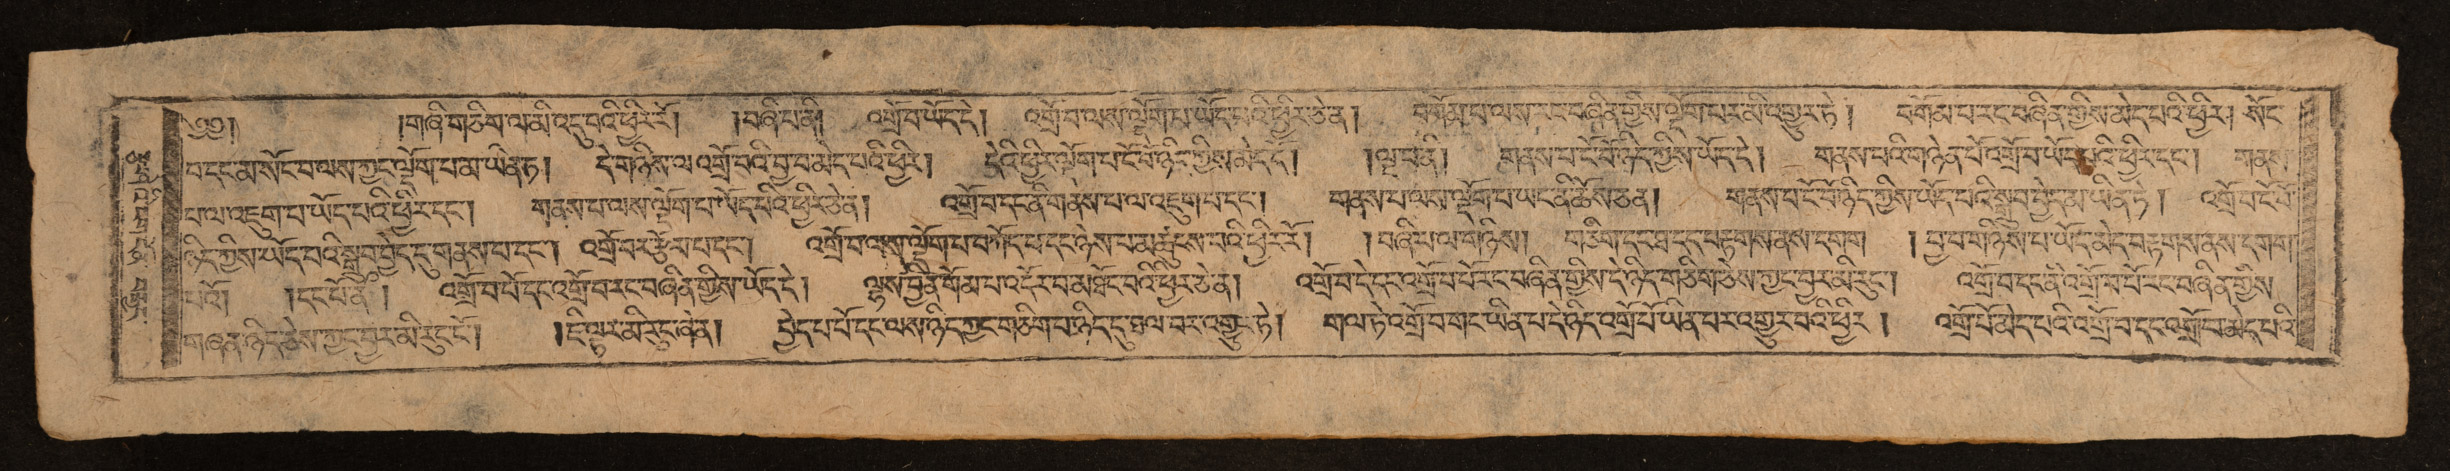༄༅། །གཞི་གཅིག་ལ་མི་འདུ་བའི་ཕྱིར་རོ། །བཞི་པ་ནི། འགྲོ་བ་ཡོད་དེ། འགྲོ་བ་ལས་ལྡོག་པ་ཡོད་པའི་ཕྱིར་ཅེ་ན། བགོམ་པ་ལས་རང་བཞིན་གྱིས་ལྡོག་པར་མི་འགྱུར་ཏེ། བགོམ་པ་རང་བཞིན་གྱིས་མེད་པའི་ཕྱིར། སོང་
བ་དང་མ་སོང་བ་ལས་ཀྱང་ལྡོག་པ་མ་ཡིན་ཏེ། དེ་གཉིས་ལ་འགྲོ་བའི་བྱ་བ་མེད་པའི་ཕྱིར། དེའི་ཕྱིར་ལྡོག་པ་ངོ་བོ་ཉིད་ཀྱིས་མེད་དོ། །ལྔ་པ་ནི། གནས་པ་ངོ་བོ་ཉིད་ཀྱིས་ཡོད་དེ། གནས་པའི་གཉེན་པོ་འགྲོ་བ་ཡོད་པའི་ཕྱིར་དང་། གནས་
བ་ལ་འཇུག་པ་ཡོད་པའི་ཕྱིར་དང་། གནས་པ་ལས་ལྡོག་པ་ཡོད་པའི་ཕྱིར་ཅེ་ན། འགྲོ་བ་དང་ནི་གནས་པ་ལ་འཇུག་པ་དང་། གནས་པ་ལས་ལྡོག་པ་ཡང་ནི་ཆོས་ཅན། གནས་པ་ངོ་བོ་ཉིད་ཀྱིས་ཡོད་པའི་སྒྲུབ་བྱེད་མ་ཡིན་ཏེ། འགྲོ་བ་ངོ་བོ་
ཉིད་ཀྱིས་ཡོད་པའི་སྒྲུབ་བྱེད་དུ་གནས་པ་དང་། འགྲོ་བར་རྩོམ་པ་དང་། འགྲོ་བ་ལས་ལྡོག་པ་བཀོད་པ་དང་ཉེས་པ་མཚུངས་པའི་ཕྱིར་རོ། །བཞི་པ་ལ་གཉིས། གཅིག་དང་ཐ་དད་བརྟགས་ནས་དགག །བྱ་བ་གཉིས་པ་ཡོད་མེད་བརྟགས་ནས་དགག་
པའོ། །དང་པོ་ནྀ། འགྲོ་བ་པོ་དང་འགྲོ་བ་རང་བཞིན་གྱིས་ཡོད་དེ། ལྷས་བྱིན་གོམ་པ་འདོར་བ་མཐོང་བའི་ཕྱིར་ཅེ་ན། འགྲོ་བ་དེ་དང་འགྲོ་བ་པོ་རང་བཞིན་གྱིས་དེ་ཉིད་གཅིག་ཅེས་ཀྱང་བྱར་མི་རུང་། འགྲོ་བ་དང་ནི་འགྲོ་བ་པོ་རང་བཞིན་གྱིས་
གཞན་ཉིད་ཅེས་ཀྱང་བྱར་མི་རུང་ངོ། །ཇི་ལྟར་མི་རུང་ཞེ་ན། བྱེད་པ་པོ་དང་ལས་ཉིད་ཀྱང་གཅིག་པ་ཉིད་དུ་ཐལ་བར་འགྱུར་ཏེ། གལ་ཏེ་འགྲོ་བ་གང་ཡིན་པ་དེ་ཉིད་འགྲོ་པོ་ཡིན་པར་འགྱུར་བའི་ཕྱིར། འགྲོ་པོ་མེད་པའི་འགྲོ་བ་དང་འགྲོ་བ་མེད་པའི་